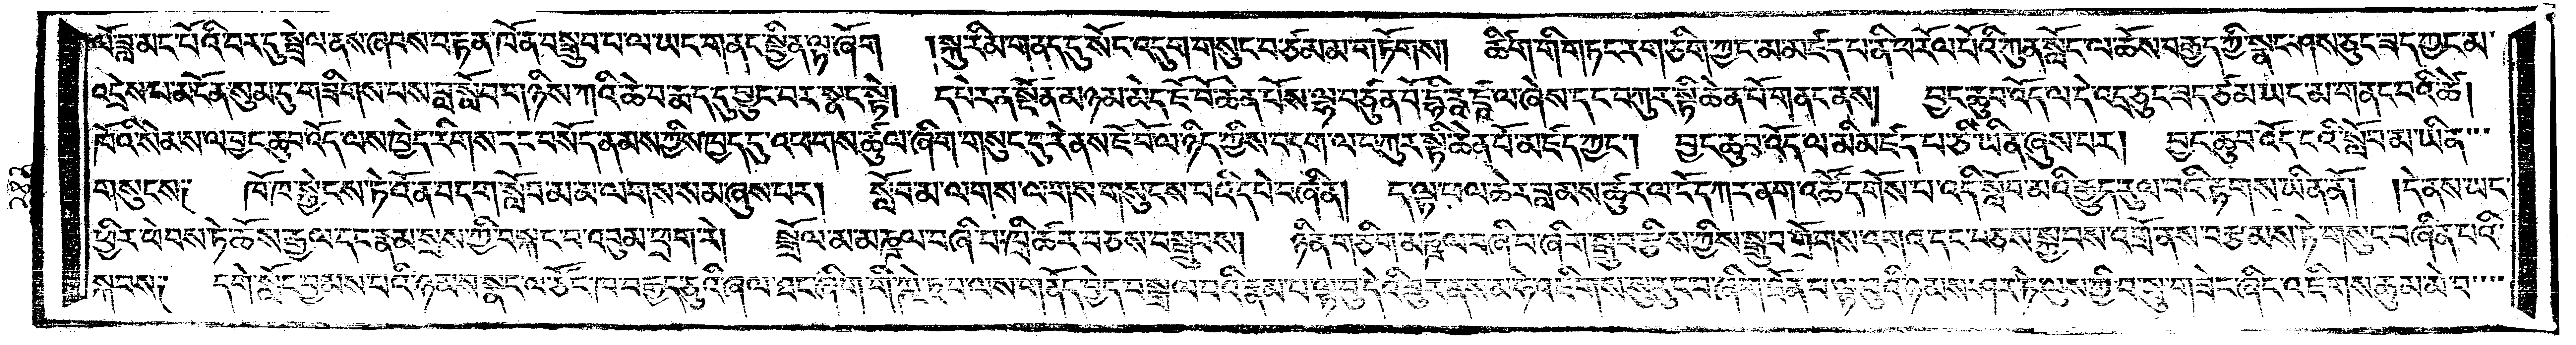ལོ་ཟླ་མང་པོའི་བར་དུ་སྦྲེལ་ནས་ཞབས་བརྟན་ཁོ་ན་བསྒྲུབ་པ་ལ་ཡང་གནང་སྦྱིན་ལྟ་ཞོག །སྐུ་རིམ་གནད་དུ་སོང་འདུག་གསུང་བ་ཙམ་མ་གཏོགས། ཚིག་གི་གཏང་རག་ཅིག་ཀྱང་མ་མཛད་པ་ནི་ཕ་རོལ་པོའི་ཀུན་སློང་ལ་ཆོས་བརྒྱད་ཀྱི་སྣང་ཤས་ཅུང་ཟད་ཀྱང་མ་
འདྲེས་པ་མངོན་སུམ་དུ་གཟིགས་པས་བླ་སློབ་གཉིས་ཀའི་ཆེ་བ་རྨད་དུ་བྱུང་བར་སྣང་སྟེ། དཔེར་ན་སྔོན་མཉམ་མེད་ཇོ་བོ་ཆེན་པོས་ལྷ་བཙུན་བོ་དྷི་རཱ་ཛཱ་ལ་ཞེས་དང་བཀུར་སྟེ་ཆེན་པོ་གནང་ནས། བྱང་ཆུབ་འོད་ལ་དེ་འདྲ་ཅུང་ཟད་ཙམ་ཡང་མ་གནང་བའི་ཚེ།
ཁོའི་སེམས་ལ་བྱང་ཆུབ་འོད་ལས་ཁྱེད་རིགས་དང་བསོད་ནམས་ཀྱིས་ཁྱད་དུ་འཕགས་ཚུལ་ཞིག་གསུང་དུ་རེ་ནས་ཇོ་བོ་ལ་ཉིད་ཀྱིས་བདག་ལ་བཀུར་སྟི་ཆེན་པོ་མཛད་ཀྱང་། བྱང་ཆུབ་འོད་ལ་མི་མཛད་པ་ཅི་ཡིན་ཞུས་པར། བྱང་ཆུབ་འོད་ངའི་སློབ་མ་ཡིན་
གསུངས༑ ཁོ་ཁ་སྐྱེངས་ཏེ་འོ་ན་བདག་སློབ་མ་ལགས་སམ་ཞུས་པར། སློབ་མ་ལགས་ལགས་གསུངས་པའི་དཔེ་བཞིན། ད་ལྟ་ཕལ་ཆེར་བླ་མས་ཚུར་ལ་ངོ་དཀར་ནག་འཚོ་དགོས་པ་འདི་སློབ་མའི་རྒྱུད་རུལ་བའི་རྟགས་ཡིན་ནོ། །དེ་ནས་ཡང་
ཕྱིར་ཕེབས་ཏེ་ཆོས་རྒྱལ་དང་རྣམ་སྲས་ཀྱི་བསྐང་བ་འབུམ་ཕྲག་རེ། སྒྲོལ་མ་མཎྜལ་བཞི་པ་ཁྲི་ཚར་བཅས་བསྒྲུབས། ཉིན་གཅིག་མཎྜལ་བཞི་པ་ཞིག་སྒྲུབ་རྩིས་ཀྱིས་སྒྲུབ་གྲོགས་འགའ་དང་བཅས་སྐྱབས་འགྲོ་ནས་བརྩམས་ཏེ་གསུང་བཞིན་པའི་
སྐབས༑ དགེ་སློང་བྱམས་པའི་ཉམས་སྣང་ལ་ཙོང་ཁ་བརྒྱད་ཅུའི་ཞལ་ཐང་ཞིག་གི་ཀྵེ་ཏྲ་པ་ལས་གནོད་བྱེད་བསྒྲལ་བའི་རྣམ་པ་ལྟ་བུ་དེའི་ཟུར་ནས་མ་ཧེ་འཇིགས་སུ་རུང་བ་ཞིག་ཐོན་བ་ལྟ་བུའི་ཉམས་ཤར་ཏེ་ལུས་ཀྱི་བ་སྤུ་གཟེང་ཞིང་འཇིགས་ཆུམ་མེ་བ་